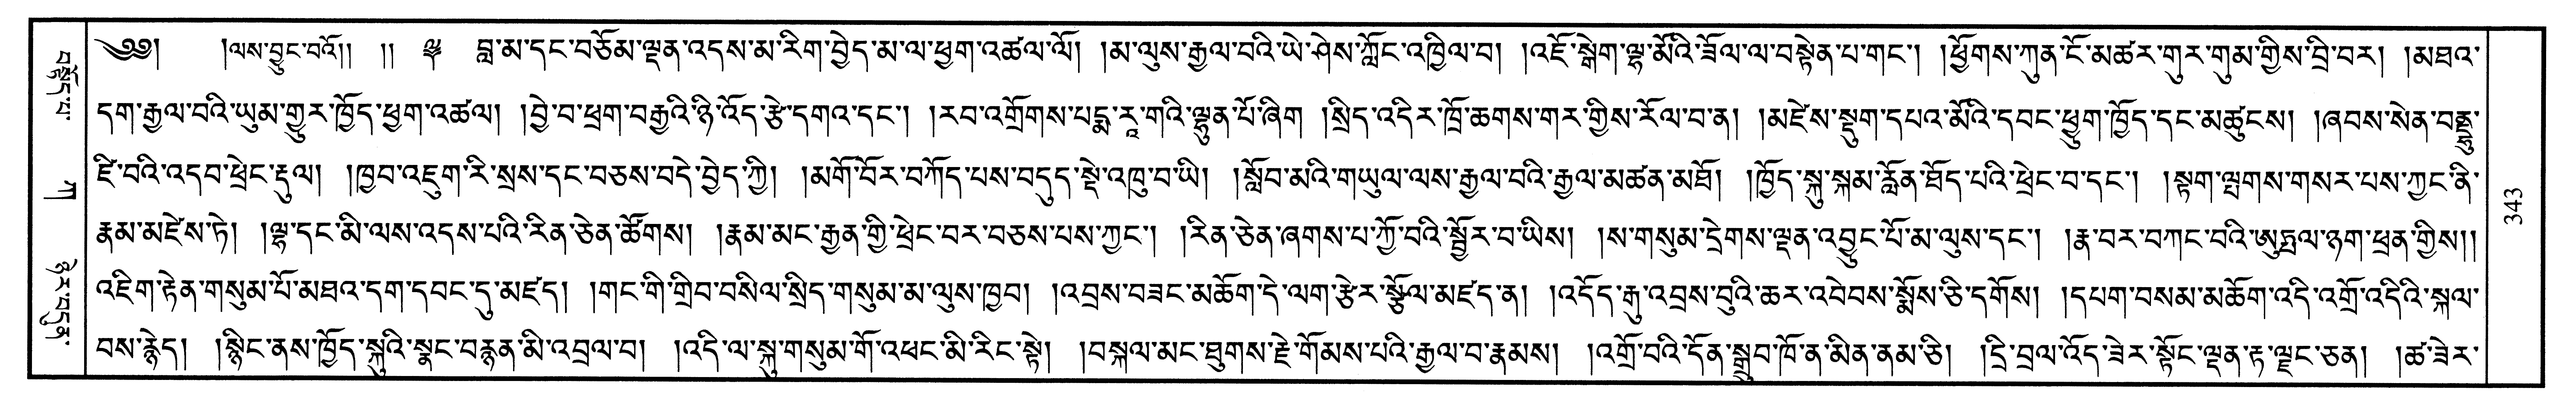༄༅། །ལས་བྱུང་བའོ།། །། ༈ བླ་མ་དང་བཅོམ་ལྡན་འདས་མ་རིག་བྱེད་མ་ལ་ཕྱག་འཚལ་ལོ། །མ་ལུས་རྒྱལ་བའི་ཡེ་ཤེས་ཀློང་འཁྱིལ་བ། །འཇོ་སྒེག་ལྷ་མོའི་ཟོལ་ལ་བསྟེན་པ་གང་། །ཕྱོགས་ཀུན་ངོ་མཚར་གུར་གུམ་གྱིས་བྲི་བར། །མཐའ་
དག་རྒྱལ་བའི་ཡུམ་གྱུར་ཁྱོད་ཕྱག་འཚལ། །བྱེ་བ་ཕྲག་བརྒྱའི་ཉི་འོད་རྩེ་དགའ་དང་། །རབ་འགྲོགས་པདམ་རཱ་གའི་ལྷུན་པོ་ཞིག །སྲིད་འདིར་ཁྲོ་ཆགས་གར་གྱིས་རོལ་བ་ན། །མཛེས་སྡུག་དཔའ་མོའི་དབང་ཕྱུག་ཁྱོད་དང་མཚུངས། །ཞབས་སེན་བནྡྷུ་
ཛི་བའི་འདབ་ཕྲེང་རྡུལ། །ཁྱབ་འཇུག་རི་སྲས་དང་བཅས་བདེ་བྱེད་ཀྱི། །མགོ་བོར་བཀོད་པས་བདུད་སྡེ་འཁུ་བ་ཡི། །སློབ་མའི་གཡུལ་ལས་རྒྱལ་བའི་རྒྱལ་མཚན་མཐོ། །ཁྱོད་སྐུ་སྐམ་རློན་ཐོད་པའི་ཕྲེང་བ་དང་། །སྟག་ལྤགས་གསར་པས་ཀྱང་ནི་
རྣམ་མཛེས་ཏེ། །ལྷ་དང་མི་ལས་འདས་པའི་རིན་ཅེན་ཚོགས། །རྣམ་མང་རྒྱན་གྱི་ཕྲེང་བར་བཅས་པས་ཀྱང་། །རིན་ཅེན་ཞགས་པ་ཀྱོ་བའི་སྦྱོར་བ་ཡིས། །ས་གསུམ་དྲེགས་ལྡན་འབྱུང་པོ་མ་ལུས་དང་། །རྣ་བར་བཀང་བའི་ཨུཏྤལ་ཉག་ཕྲན་གྱིས།།
འཇིག་རྟེན་གསུམ་པོ་མཐའ་དག་དབང་དུ་མཛད། །གང་གི་གྲིབ་བསིལ་སྲིད་གསུམ་མ་ལུས་ཁྱབ། །འབྲས་བཟང་མཆོག་དེ་ལག་རྩེར་སྩོལ་མཛད་ན། །འདོད་རྒུ་འབྲས་བུའི་ཆར་འབེབས་སྨོས་ཅི་དགོས། །དཔག་བསམ་མཆོག་འདི་འགྲོ་འདིའི་སྐལ་
བས་རྙེད། །སྙིང་ནས་ཁྱོད་སྐུའི་སྣང་བརྙན་མི་འབྲལ་བ། །འདི་ལ་སྐུ་གསུམ་གོ་འཕང་མི་རིང་སྟེ། །བསྐལ་མང་ཐུགས་རྗེ་གོམས་པའི་རྒྱལ་བ་རྣམས། །འགྲོ་བའི་དོན་སྒྲུབ་ཁོ་ན་མིན་ནམ་ཅི། །དྲི་བྲལ་འོད་ཟེར་སྟོང་ལྡན་རྟ་ལྗང་ཅན། །ཚ་ཟེར་